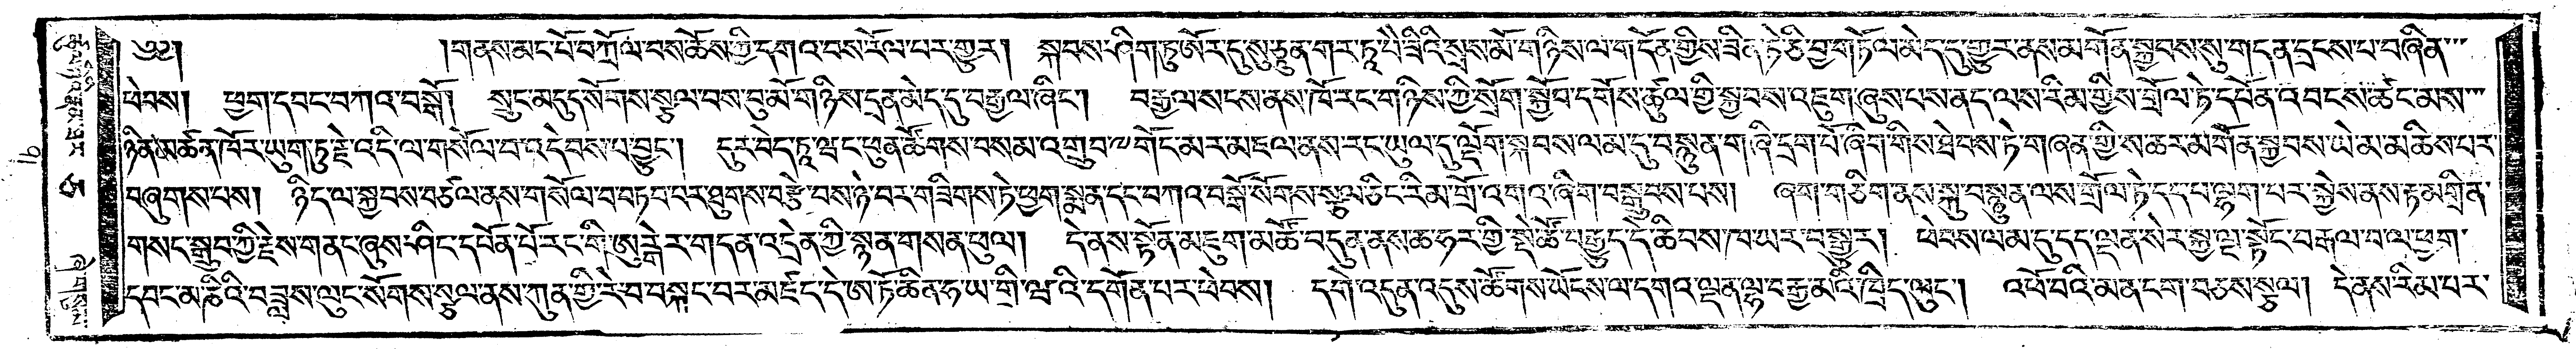༄༅། །གནས་མང་པོ་བཀྲོལ་བས་ཆོས་ཀྱི་དགའ་བས་རོལ་བར་གྱུར། སྐབས་ཤིག་ཏུ་ཨོར་དུ་སུ་ཅུན་གར་ཏཱ་པཻ་ཟིའི་སྲས་མོ་གཉིས་ལ་གདོན་གྱིས་ཟིན་ཏེ་ཅི་བྱ་གཏོལ་མེད་དུ་གྱུར་ནས་མགོན་སྐྱབས་སུ་གདན་དྲངས་པ་བཞིན་
ཕེབས། ཕྱག་དབང་བཀའ་བསྒོ། སྲུང་མདུད་སོགས་སྩལ་བས་བུ་མོ་གཉིས་དྲན་མེད་དུ་བརྒྱལ་ཞིང་། བརྒྱལ་སངས་ནས་ཁོ་རང་གཉིས་ཀྱི་སྲོག་སྐྱོབ་དགོས་ཚུལ་གྱི་སྐྱབས་འཇུག་ཞུས་པས་ནད་ལས་རིམ་གྱིས་གྲོལ་ཏེ་དཔོན་འབངས་ཚང་མས་
ཉིན་མཚན་ཁོར་ཡུག་ཏུ་རྗེ་འདི་ལ་གསོལ་བ་འདེབས་བ་བྱུང་། དུར་བདེ་ཏཱ་ཝང་ཕུན་ཚོགས་བསམ་འགྲུབ ༧་གོང་མར་མཇལ་ནས་རང་ཡུལ་དུ་ལྡོག་སྐབས་ལམ་དུ་བསྙུན་གཞི་དྲག་པོ་ཞིག་གིས་ཐེབས་ཏེ། གཞན་གྱི་ས་ཆར་མགོན་སྐྱབས་ཡེ་མ་མཆིས་པར་
བཞུགས་པས། ཉིད་ལ་སྐྱབས་བཙལ་ནས་གསོལ་བ་བཏབ་བར་ཐུགས་བརྩེ་བས་ཉེ་བར་གཟིགས་ཏེ་ཕྱག་སྨན་དང་བཀའ་བསྒོ་སོགས་སྩལ་ཅིང་རིམ་གྲོ་འགའ་ཞིག་བསྒྲུབས་པས། ཞག་གཅིག་ནས་སྐུ་བསྙུན་ལས་གྲོལ་ཏེ་དད་བ་ལྷག་པར་སྐྱེས་ནས་རྟ་མགྲིན་
གསང་སྒྲུབ་ཀྱི་རྗེས་གནང་ཞུས་ཤིང་དབོན་པོ་རང་གི་ཨུརྒེར་གདེན་འདྲེན་ཀྱི་སྙན་གསན་ཕུལ། དེ་ནས་སྟོན་མཇུག་མཚོ་བདུན་ནས་ཆ་ཧར་གྱི་སྡེ་ཚོ་བརྒྱུད་དེ་ཆིབས་ཁ་ཡར་བསྒྱུར། ཕེབས་ལམ་དུ་དད་ལྡན་སེར་སྐྱ་ལྔ་སྟོང་བརྒལ་བ་ལ་ཕྱག་
དབང་མ་ཎིའི་བཟླས་ལུང་སོགས་སྩལ་ནས་ཀུན་གྱི་རེ་བ་བསྐང་བར་མཛད་དེ་ཨ་ཏོ་ཚིན་ཧ་ཡ་གྲི་ཝའི་དགོན་པར་ཕེབས། དགེ་འདུན་འདུས་ཚོགས་ཡོངས་ལ་དགའ་ལྡན་ལྷ་བརྒྱ་མའི་ཁྲིད་ལུང་། འཕོ་བའི་མན་ངག་བཅས་ལྩལ། དེ་ནས་རིམ་བར་